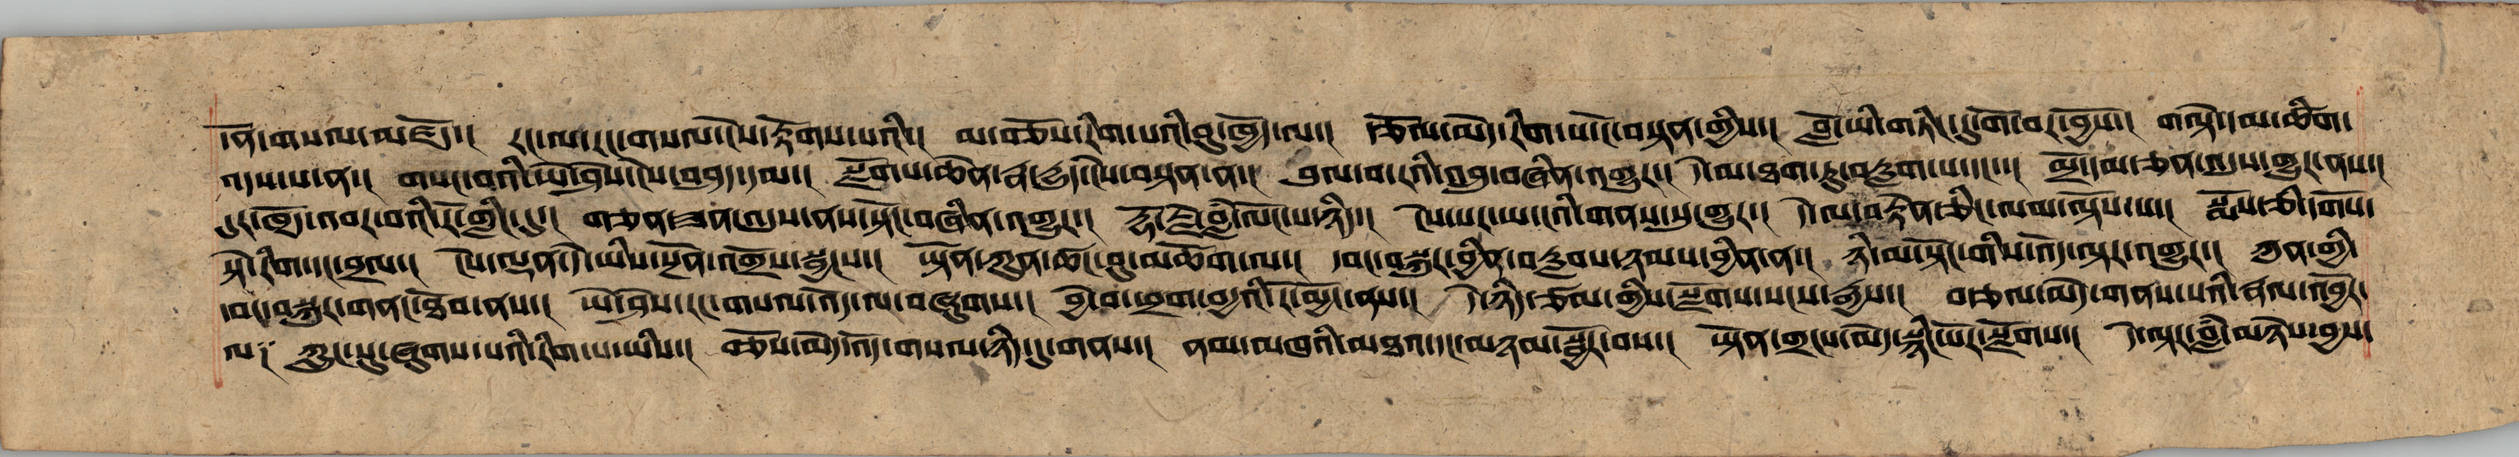དོན་གསལ་མཛོད་། རང་ལ་རང་གསལ་ངེས་རྟོགས་པའི་། མ་བཅོས་རིག་པའི་བུ་ཁྱོད་ལ་། རྩོལ་མེད་རིག་པ་ངོ་བསྟན་གྱིས་། བློ་ཡི་གཏིང་དུ་གོ་བར་བྱས་་། གལྟེ་དམ་ཚིག་
འདས་པ་ན་། གསང་བའི་ཡེ་ཤེས་ངེས་བཤད་དམ་། སྫོགས་ཆེན་རྣ་དྱུད་ངེས་བསྟན་ན་། བུལ་བ་རའི་འབྲུ་བཞིན་འགྱུར་། དེ་མ་ཐག་ཏུ་བརླག་པ་དང་་། མྲོ་དམ་ཅན་འདུས་གྱུར་ནས་།
དུར་ཁྲོད་འབར་བའི་རོ་གླིང་དུ་། གཅན་ཟན་འདུས་ནས་སྟོང་བཞིན་འགྱུར་། རྡོ་རྗེ་བླཾ་ལོང་པ་ཉིད་། ངེས་པར་ཡ་ངའི་གནས་སུ་གྱུར་། དེ་ལ་བརྟེན་ཅིང་ལམ་ལྟོས་པ་། སྨོས་ཅི་དགོས་
སྟེ་རིག་དང་བྲལ་། ངེས་ལྡན་དེ་ཡིས་སྔོན་འགྲོས་སྦྱངས་། ཡྟོན་ཀུན་ཚང་བུ་མཆོག་ལ་། དབང་བསྐུར་བྱིན་བརླབས་ཉམས་བྱིན་ན་། ཉི་མ་སྟོང་གིས་འོད་ལྟར་འགྱུར་། ཀུན་གྱི་
དབང་བསྐུར་གནང་ཐོབ་ནས་། ཡེ་ཤེས་རང་གསལ་འོད་ལ་བཞུགས་། བྱྱེ་བ་ཕྲག་བདྱའི་རོ་མྱོང་ནས་། དེ་ཉིད་ཙམ་གྱིས་སྫོགས་སངས་རྒྱས་། བརྩལ་མེད་གནས་པའི་རྣལ་འབྱོར་
ལ༑ ཀླུང་སུ་ཞུགས་པའི་རིག་པ་ཡིས་། བཅོས་མེད་འོད་གསལ་ཉིད་དུ་གནས་། ནམ་མཁའི་མཐའ་དང་མཉམ་སྦྱོར་བས་། ཡྟོན་གྲངས་མེད་སྙིང་པོར་སྫོགས་། དེ་ལྟར་བླཾ་མཉེས་བྱས་